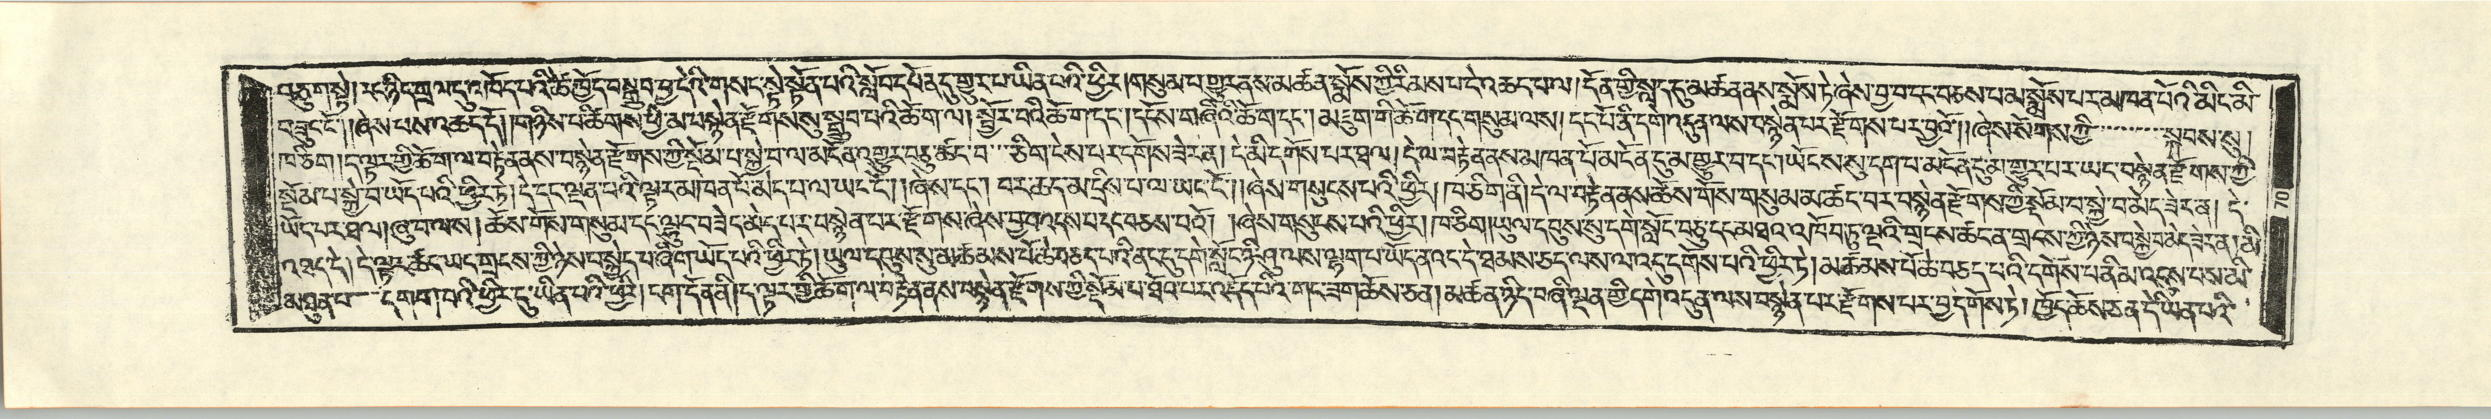བཅུག་སྟེ། རང་ཉིད་གྲལ་དུ་འཁོད་པའི་ཚེ་ཁྱོད་བསྒྲུབ་བྱ་དེའི་གསང་སྟེ་སྟོན་པའི་སློབ་དཔོན་དུ་གྱུར་པ་ཡིན་པའི་ཕྱིར། གསུམ་པ་གྱུར་ནས་མཚན་སྨོས་ཀྱི་རིམས་པ་དེ་འཆད་པ་ལ། དོན་གྱི་སླད་དུ་མཚན་ནས་སྨོས་ཏེ་ཞེས་བྱ་བ་དང་བཅས་པ་མ་སྨྲོས་པར་མཁན་པོའི་མིང་མི་
བཟུང་ངོ། །ཞེས་པས་འཆད་དོ། །གཉིས་པ་ཚིགས་ཕྱི་མ་བསྙེན་རྫོགས་སུ་སྒྲུབ་པའི་ཆོ་ག་ལ། སྦྱོར་བའི་ཆོ་ག་དང་། དངོས་གཞིའི་ཆོ་ག་དང་། མཇུག་གི་ཆོ་ག་དང་གསུམ་ལས། དང་པོ་ནི་དགེ་འདུན་ལས་བསྙེན་པར་རྫོགས་པར་བྱའོ། །ཞེས་སོགས་ཀྱི་སྐབས་སུ།
ཁ་ཅིག །ད་ལྟར་གྱི་ཆོ་ག་ལ་བརྟེན་ནས་བསྙེན་རྫོགས་ཀྱི་སྡོམ་པ་སྐྱེ་བ་ལ་མངོན་འགྱུར་བཅུ་ཚང་བ་ཅིག་ངེས་པར་དགོས་ཟེར་ན། དེ་མི་དགོས་པར་ཐལ། དེ་ལ་བརྟེན་ནས་མཁན་པོ་མངོན་དུ་མ་གྱུར་བ་དང་། ཡོངས་སུ་དག་པ་མངོན་དུ་མ་གྱུར་པར་ཡང་བསྙེན་རྫོགས་ཀྱི་
སྡོམ་པ་སྐྱེ་བ་ཡོད་པའི་ཕྱིར་ཏེ། དེ་དང་ལྡན་པའི་ལྟར་མཁན་པོ་མེད་པ་ལ་ཡང་ངོ། །ཞེས་དང་། བར་ཆད་མ་དྲིས་པ་ལ་ཡང་ངོ། །ཞེས་གསུངས་པའི་ཕྱིར། ཁ་ཅིག་ནི། དེ་ལ་བརྟེན་ནས་ཆོས་གོས་གསུམ་མ་ཚང་བར་བསྙེན་རྫོགས་ཀྱི་སྡོམ་པ་སྐྱེ་བ་མེད་ཟེར་ན། དེ་
ཡོད་པར་ཐལ། ཞུ་བ་ལས། ཆོས་གོས་གསུམ་དང་ལྷུང་བཟེད་མེད་པར་བསྙེན་པར་རྫོགས་ཞེས་བྱ་བ་འདས་པ་དང་བཅས་པའོ། །ཞེས་གསུངས་པའི་ཕྱིར། ཁ་ཅིག །ཡུལ་དབུས་སུ་དགེ་སློང་བཅུ་དང་མཐའ་འཁོབ་ཏུ་ལྔའི་གྲངས་ཚང་ན་གྲངས་ཀྱི་ཉེས་བ་སྐྱེ་བ་མེད་ཟེར་ན། མི་
འཐད་དེ། དེ་ལྟར་ཚང་ཡང་གྲངས་ཀྱི་ཉེས་བ་སྐྱེད་པ་ཞིག་ཡོད་པའི་ཕྱིར་ཏེ། ཡུལ་དབུས་སུ་མཚམས་པོ་ཆེ་བཅད་པའི་ནང་དུ་དགེ་སློང་ཉི་ཤུ་ལས་ལྷག་པ་ཡོད་ནའང་དེ་ཐམས་ཅད་ལས་ལ་འདུ་དགོས་པའི་ཕྱིར་ཏེ། མཚམས་པོ་ཆེ་བཅད་པའི་དགོས་པ་ནི་མ་འདུས་པས་མི་
མཐུན་པ་དགག་པའི་ཕྱིར་དུ་ཡིན་པའི་ཕྱིར། ངག་དོན་ནི། ད་ལྟར་གྱི་ཆོ་ག་ལ་བརྟེན་ནས་བསྙེན་རྫོགས་ཀྱི་སྡོམ་པ་ཐོབ་པར་འདོད་པའི་གང་ཟག་ཆོས་ཅན། མཚན་ཉིད་བཞི་ལྡན་གྱི་དགེ་འདུན་ལས་བསྙེན་པར་རྫོགས་པར་བྱ་དགོས་ཏེ། ཁྱོད་ཆོས་ཅན་དེ་ཡིན་པའི་